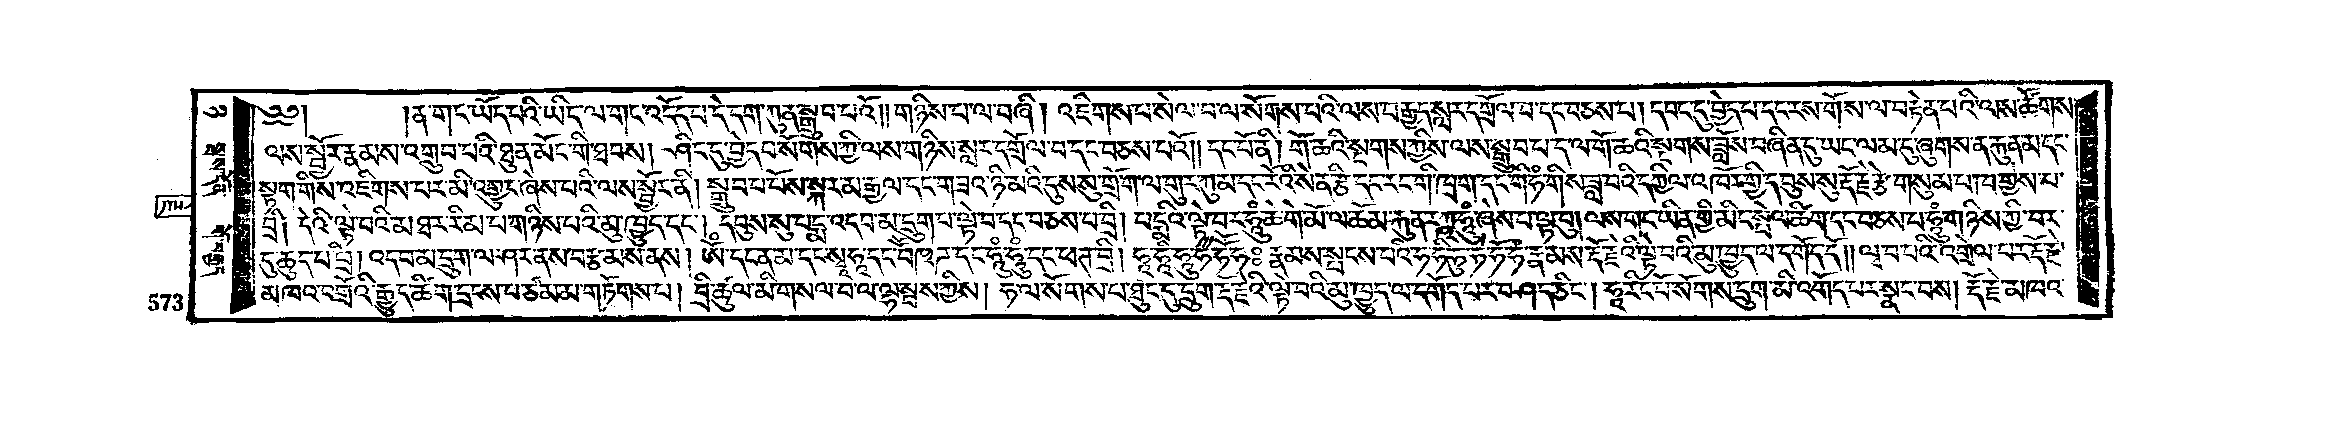༄༅། །ན་གང་ཡོད་པའི་ཡིད་ལ་གང་འདོད་པ་དེ་དག་ཀུན་སྒྲུབ་པའོ། །གཉིས་པ་ལ་བཞི། འཇིགས་པ་སེལ་བ་ལ་སོགས་པའི་ལས་བརྒྱད་སླར་དགྲོལ་བ་དང་བཅས་པ། དབང་དུ་བྱེད་པ་དང་རས་གོས་ལ་བརྟེན་པའི་ལས་ཚོགས་
ལས་སྦྱོར་རྣམས་འགྲུབ་པའི་ཐུན་མོང་གི་ཐབས། ཤིང་དུ་བྱེད་པ་སོགས་ཀྱི་ལས་གཉིས་སླར་དགྲོལ་བ་དང་བཅས་པའོ། །དང་པོ་ནི། གོ་ཆའི་སྔགས་ཀྱིས་ལས་སྒྲུབ་པ་དེ་ལ་གོ་ཆའི་སྔགས་ཟློས་བཞིན་དུ་ཡང་ལམ་དུ་ཞུགས་ན་རྐུན་མ་དང་
སྟག་གིས་འཇིགས་པར་མི་འགྱུར་ཞེས་པའི་ལས་སྦྱོར་ནི། སྒྲུབ་པ་པོས་སྐར་མ་རྒྱལ་དང་གཟའ་ཉི་མའི་དུས་སུ་གྲོ་ག་ལ་གུར་ཀུམ་དང་རོའི་སེན་རྩི་དང་རང་གི་ཁྲག་དང་གི་ཧཾ་གིས་ཟླ་བའི་དཀྱིལ་འཁོར་གྱི་དབུས་སུ་རྡོ་རྗེ་རྩེ་གསུམ་པ་ཁ་གྱེས་པ་
བྲི། དེའི་ལྟེ་བའི་མཐར་རིམ་པ་གཉིས་པའི་མུ་ཁྱུད་དང་། དབུས་སུ་པདམ་འདབ་མ་དྲུག་པ་ལྟེ་བ་དང་བཅས་པ་བྲི། པདམའི་ལྟེ་བར་ཧཱུཾ་ཆེ་གེ་མོ་ལ་ཆོམ་རྐུན་རཀྵ་ཧཱུཾ་ཞེས་པ་ལྟ་བུ། ལས་གང་ཡིན་གྱི་མིང་སྤེལ་ཚིག་དང་བཅས་པ་ཧཱུཾ་གཉིས་ཀྱི་བར་
དུ་ཆུད་པ་པྲི། འདབ་མ་དྲུག་ལ་ཤར་ནས་བརྩམས་ནས། ཨོཾ་དང་ན་མ་དང་སྭཱ་ཧཱ་དང་བཽཥྜ་དང་ཧཱུཾ་ཧཱུཾ་དང་ཕཊ་བྲི། ཧཱ་ཧཱི་ཧཱུ་ཧཻ་ཧཽ་ཧཿ རྣམས་སྤངས་པའི་ཧ་ཧི་ཧུ་ཧེ་ཧོ་ཧཾ་རྣམས་རྡོ་རྗེའི་ལྟེ་བའི་མུ་ཁྱུད་ལ་དགོད་དོ། །ལྭ་བ་པའི་འགྲེལ་པར་རྡོ་རྗེ་
མཁའ་འགྲོའི་རྒྱུད་ཚིག་དྲངས་པ་ཙམ་མ་གཏོགས་པ། བྲི་ཚུལ་མི་གསལ་བ་ལ་ལྷ་སྦས་ཀྱིས། ཧ་ལ་སོགས་པ་ཐུང་དུ་དྲུག་རྡོ་རྗེའི་ལྟེ་བའི་མུ་ཁྱུད་ལ་དགོད་པར་བཤད་ཅིང་། ཧཱ་རིང་པོ་སོགས་དྲུག་མི་འགོད་པར་སྣང་བས། རྡོ་རྗེ་མཁའ་